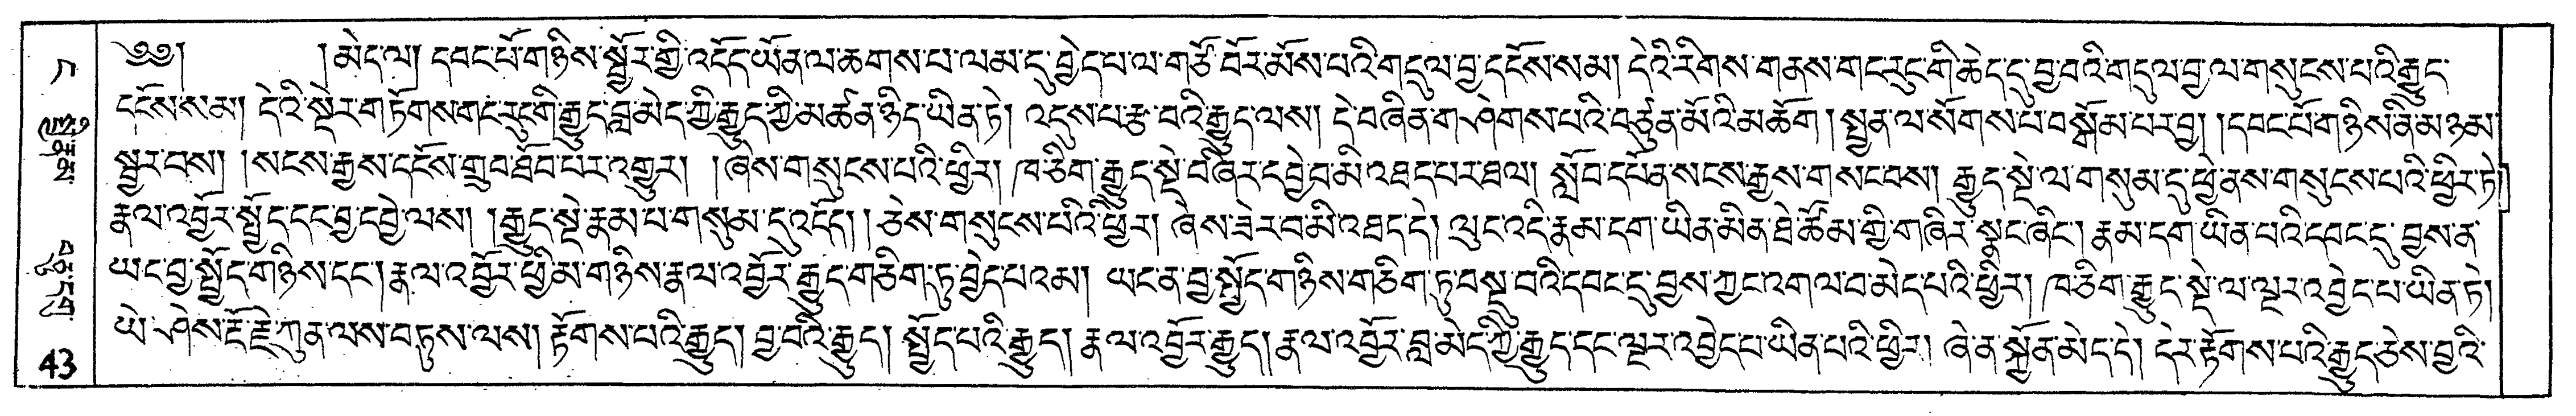༄༅། །མེད་ལ། དབང་པོ་གཉིས་སྦྱོར་གྱི་འདོད་ཡོན་ལ་ཆགས་པ་ལམ་དུ་བྱེད་པ་ལ་གཙོ་བོར་མོས་པའི་གདུལ་བྱ་དངོས་སམ། དེའི་རིགས་གནས་གང་རུང་གི་ཆེད་དུ་བྱ་བའི་གདུལ་བྱ་ལ་གསུངས་པའི་རྒྱུད་
དངོས་སམ། དེའི་སྡེར་གཏོགས་གང་རུང་གི་རྒྱུད་བླ་མེད་ཀྱི་རྒྱུད་ཀྱི་མཚན་ཉིད་ཡིན་ཏེ། འདུས་པ་རྩ་བའི་རྒྱུད་ལས། དེ་བཞིན་གཤེགས་པའི་བཙུན་མོའི་མཆོག །སྤྱན་ལ་སོགས་པ་བསྒོམ་པར་བྱ། །དབང་པོ་གཉིས་ནི་མཉམ་
སྦྱར་བས། །སངས་རྒྱས་དངོས་གྲུབ་ཐོབ་པར་འགྱུར། །ཞེས་གསུངས་པའི་ཕྱིར། ཁ་ཅིག་རྒྱུད་སྡེ་བཞིར་དབྱེ་བ་མི་འཐད་པར་ཐལ། སློབ་དཔོན་སངས་རྒྱས་གསང་བས། རྒྱུད་སྡེ་ལ་གསུམ་དུ་ཕྱེ་ནས་གསུངས་པའི་ཕྱིར་ཏེ།
རྣལ་འབྱོར་སྤྱོད་དང་བྱ་དབྱེ་ལས། །རྒྱུད་སྡེ་རྣམ་པ་གསུམ་དུ་འདོད། །ཅེས་གསུངས་པའི་ཕྱིར། ཞེས་ཟེར་བ་མི་འཐད་དེ། ལུང་འདི་རྣམ་དག་ཡིན་མིན་ཐེ་ཚོམ་གྱི་གཞིར་སྣང་ཞིང་། རྣམ་དག་ཡིན་པའི་དབང་དུ་བྱས་ན་
ཡང་བྱ་སྤྱོད་གཉིས་དང་། རྣལ་འབྱོར་ཕྱི་མ་གཉིས་རྣལ་འབྱོར་རྒྱུད་གཅིག་ཏུ་བྱེད་པའམ། ཡང་ན་བྱ་སྤྱོད་གཉིས་གཅིག་ཏུ་བསྡུ་བའི་དབང་དུ་བྱས་ཀྱང་འགལ་བ་མེད་པའི་ཕྱིར། ཁ་ཅིག་རྒྱུད་སྡེ་ལ་ལྔར་འབྱེད་པ་ཡིན་ཏེ།
ཡེ་ཤེས་རྡོ་རྗེ་ཀུན་ལས་བཏུས་ལས། རྟོགས་པའི་རྒྱུད། བྱ་བའི་རྒྱུད། སྤྱོད་པའི་རྒྱུད། རྣལ་འབྱོར་རྒྱུད། རྣལ་འབྱོར་བླ་མེད་ཀྱི་རྒྱུད་དང་ལྔར་འབྱེད་པ་ཡིན་པའི་ཕྱིར། ཞེ་ན་སྐྱོན་མེད་དེ། དེར་རྟོགས་པའི་རྒྱུད་ཅེས་བྱའི་